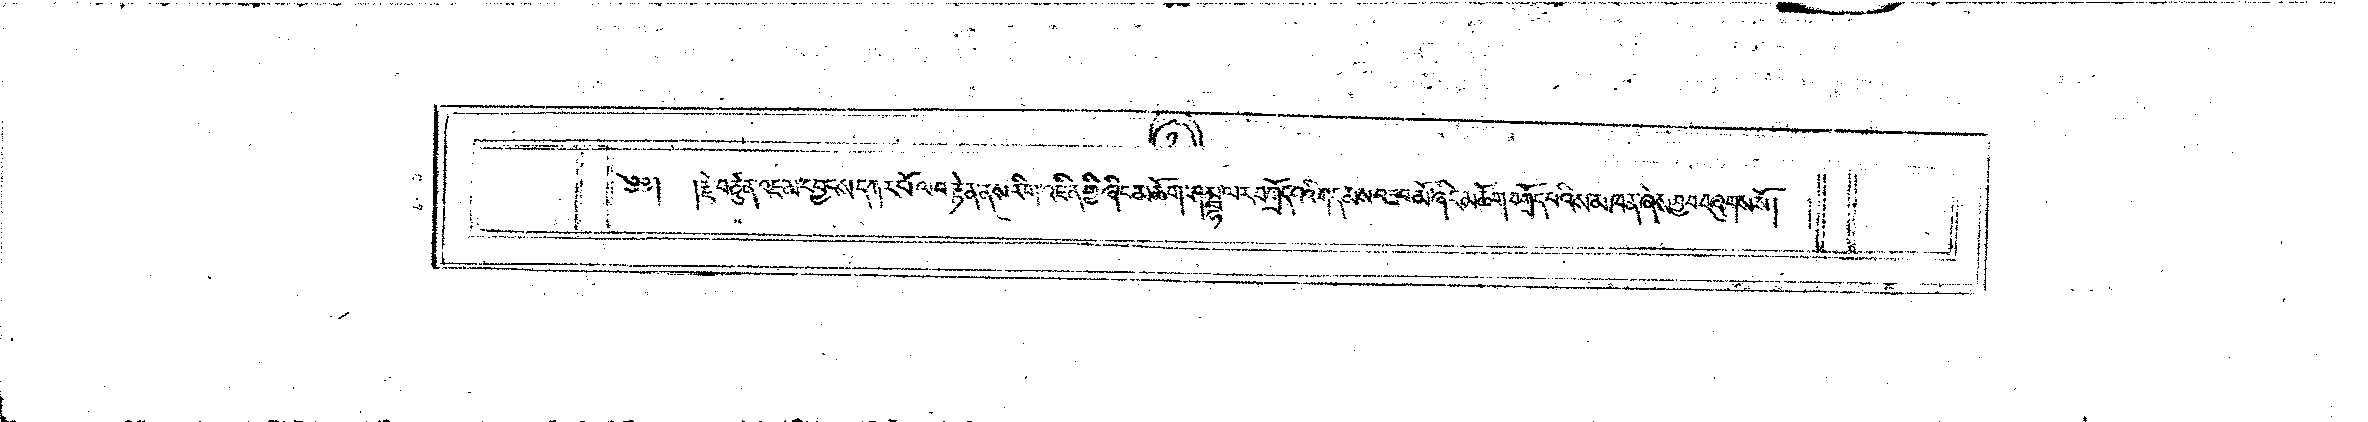༄༅། །རྗེ་བཙུན་འཇམ་དབྱངས་དཀར་པོ་ལ་བརྟེན་ནས་རིག་འཛིན་གྱི་ཞིང་མཆོག་ཤམྦྷ་ལར་བགྲོད་བའི་གདམས་བཟབ་མོ་ཞིང་མཆོག་བགྲོད་པའི་ས་མཁན་ཞེས་བྱ་བ་བཞུགས་སོ། །